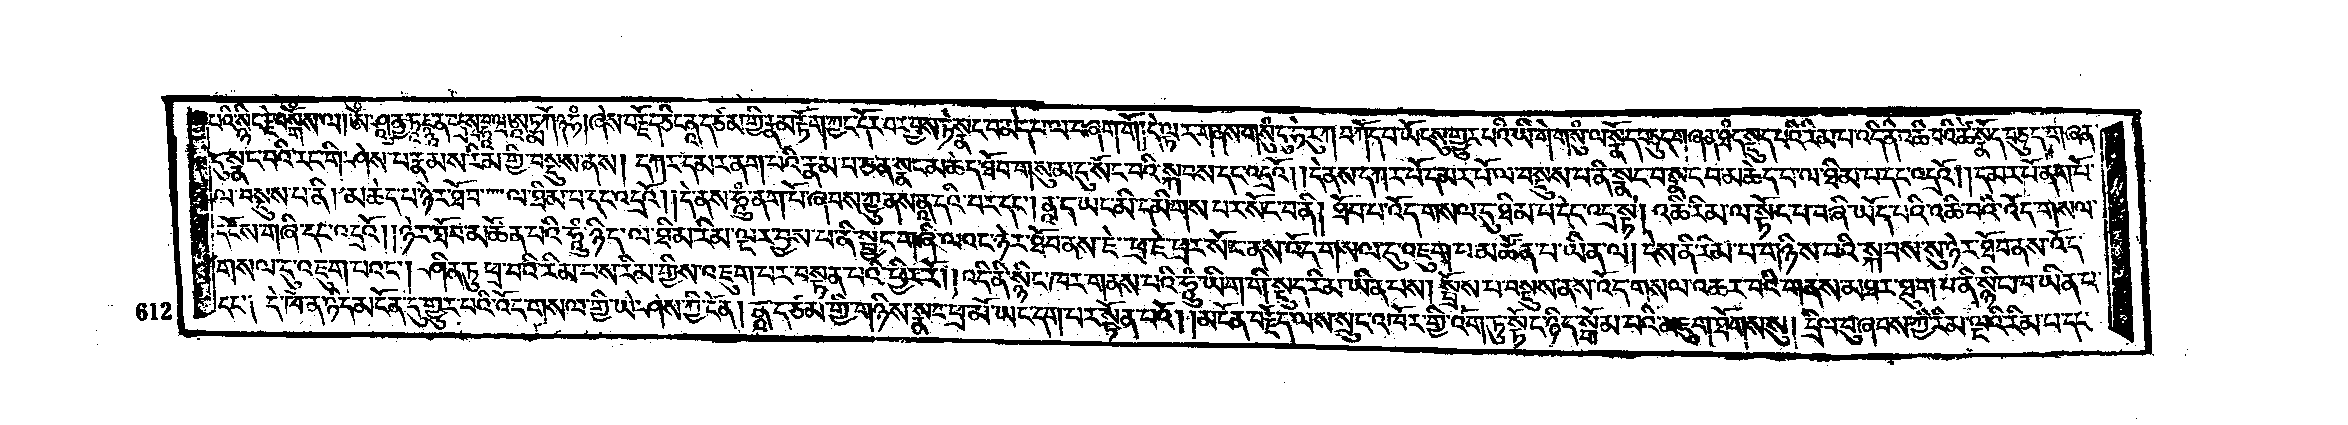པའི་སྙིང་རྗེ་བསྒོམས་ལ། ཨོཾ་ཤཱུ་ནྱ་ཏཱ་ཛྙཱ་ན་བཛྲ་སྭ་བྷཱ་ཝ་ཨཱཏྨ་ཀོཉཧཾ། ཞེས་བརྗོད་ཅིང་ནཱ་ད་ཙམ་གྱི་རྣམ་རྟོག་ཀྱང་དོར་བར་བྱས་ཏེ་སྣང་བ་མེད་པ་ལ་བཞག་གོ །དེ་ལྟར་གནས་གསུམ་དུ་ཧེ་རུ་ཀ་བཀོད་པ་ཡོངས་སུ་གྱུར་པའི་ཡི་གེ་གསུམ་ལ་སྣོད་བཅུད་གཞན་ཐམས་ཅད་སྡུད་པའི་རིམ་པ་འདི་ནི་འཆི་བའི་ཚེ་སྣོད་བཅུད་གཞན་
དུ་སྣང་བའི་རང་གི་ཤེས་པ་རྣམས་རིམ་གྱི་བསྡུས་ནས། དཀར་དམར་ནག་པའི་རྣམ་པ་ཅན་སྣང་མཆེད་ཐོབ་གསུམ་དུ་སོང་བའི་སྐབས་དང་འདྲའོ། །དེ་ནས་དཀར་པོ་དམར་པོ་ལ་བསྡུས་པ་ནི་སྣང་བ་སྣང་བ་མཆེད་པ་ལ་ཐིམ་པ་དང་འདྲའོ། །དམར་པོ་ནག་པོ་
ལ་བསྡུས་པ་ནི། མཆེད་པ་ཉེར་ཐོབ་ལ་ཐིམ་པ་དང་འདྲའོ། །དེ་ནས་ཧཱུཾ་ནག་པོ་ཞབས་ཀྱུ་ནས་ནཱ་དའི་བར་དང་། ནཱ་ད་ཡང་མི་དམིགས་པར་སོང་བ་ནི། ཐོབ་པ་འོད་གསལ་དུ་ཐིམ་པ་དང་འདྲ་སྟེ། འཆི་རིམ་ལ་སྟོང་པ་བཞི་ཡོད་པའི་འཆི་བའི་འོད་གསལ་
དངོས་གཞི་དང་འདྲའོ། །ཉེར་ཐོབ་མཚོན་པའི་ཧཱུཾ་ཉིད་ལ་ཐིམ་རིམ་ལྔར་བྱས་པ་ནི་སྦྱང་གཞི་ལའང་ཉེར་ཐོབ་ནས་ཇེ་ཕྲ་ཇེ་ཕྲར་སོང་ནས་འོད་གསལ་དུ་འཇུག་པ་མཚོན་པ་ཡིན་ལ། དེས་ནི་རིམ་པ་གཉིས་པའི་སྐབས་སུ་ཉེར་ཐོབ་ནས་འོད་
གསལ་དུ་འཇུག་པའང་། ཤིན་ཏུ་ཕྲ་བའི་རིམ་པས་རིམ་གྱིས་འཇུག་པར་བསྟན་པའི་ཕྱིར་རོ། །འདི་ནི་སྙིང་ཁར་གནས་པའི་ཧཱུཾ་ཡིག་གི་སྡུད་རིམ་ཡིན་པས། སྤྲོས་པ་བསྡུས་ནས་འོད་གསལ་འཆར་བའི་གནས་མཐར་ཐུག་པ་ནི་སྙིང་ཁ་ཡིན་པ་
དང་། དེ་ཁོ་ན་ཉིད་མངོན་དུ་གྱུར་པའི་འོད་གསལ་གྱི་ཡེ་ཤེས་ཀྱི་དོན། ནཱ་ད་ཙམ་གྱི་གཉིས་སྣང་ཕྲ་མོ་ཡང་དག་པར་སྟོན་པའོ། །མངོན་བརྗོད་ལས་སྲུང་འཁོར་གྱི་འོག་ཏུ་སྟོང་ཉིད་སྒོམ་པའི་མཇུག་ཐོགས་སུ། དྲིལ་བུ་ཞབས་ཀྱི་རིམ་ལྔའི་རིམ་པ་དང་